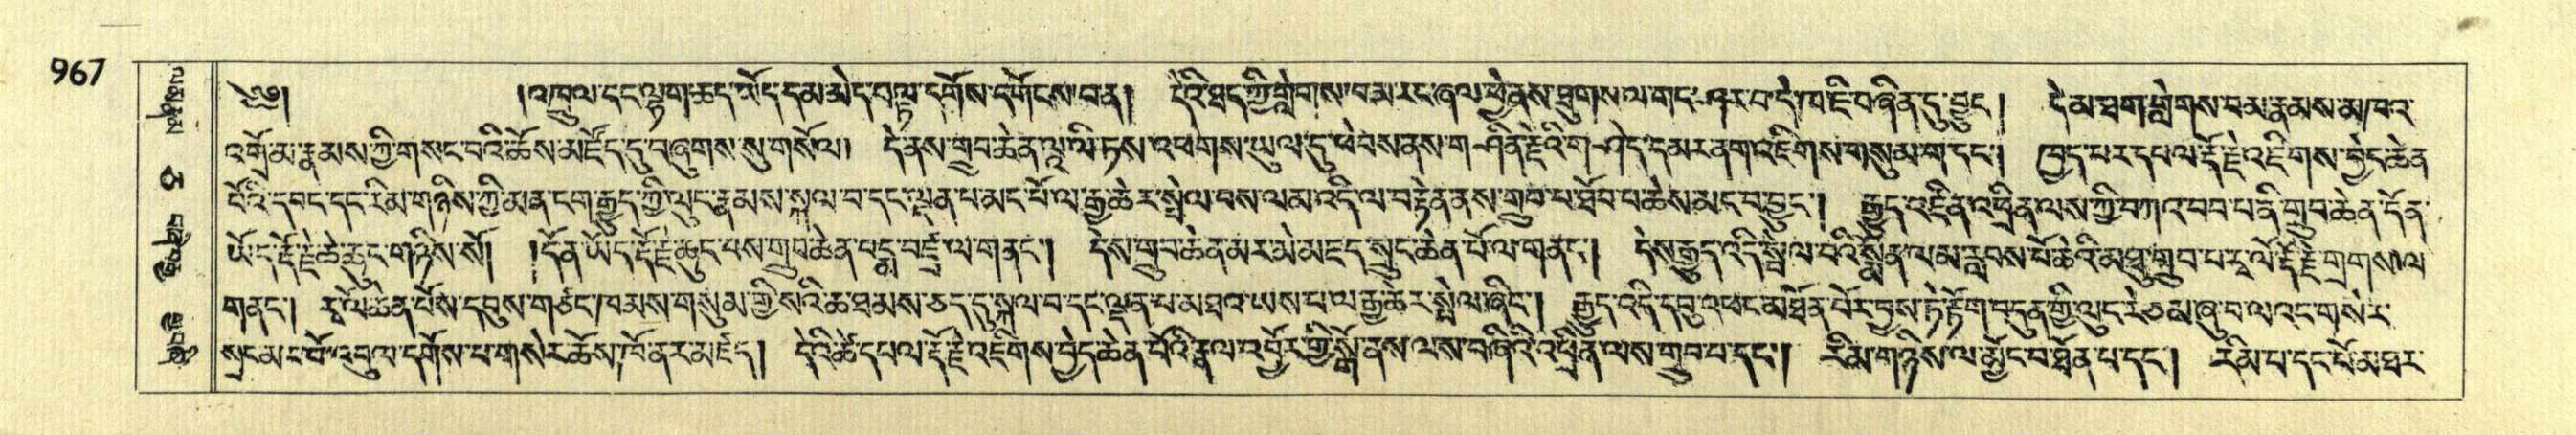༄༅། །འཁྲུལ་དང་ལྷག་ཆད་ཡོད་དམ་མེད་བལྟ་དགོས་དགོངས་བ་ན། དེའི་ཐད་ཀྱི་གླེགས་བམ་རང་ཞལ་ཕྱེ་ནས་ཐུགས་ལ་གང་ཤར་བ་དེ་ཁ་ཇི་བཞིན་དུ་བྱུང་། དེ་མ་ཐག་གླེགས་བམ་རྣམས་མཁའ་
འགྲོ་མ་རྣམས་ཀྱི་གསང་བའི་ཆོས་མཛོད་དུ་བཞུགས་སུ་གསོལ། དེ་ནས་གྲུབ་ཆེན་ལཱ་ལི་ཏས་འཕགས་ཡུལ་དུ་ཕེབས་ནས་གཤིན་རྗེའི་གཤེད་དམར་ནག་འཇིགས་གསུམ་ག་དང་། ཁྱད་པར་དཔལ་རྡོ་རྗེ་འཇིགས་བྱེད་ཆེན་
པོའི་དབང་དང་རིམ་གཉིས་ཀྱི་མན་ངག་རྒྱུད་ཀྱི་ལུང་རྣམས་སྐལ་བ་དང་ལྡན་པ་མང་པོ་ལ་རྒྱ་ཆེར་སྤེལ་བས་ལམ་འདི་ལ་བརྟེན་ནས་གྲུབ་པ་ཐོབ་པ་ཆེས་མང་བ་བྱུང་། རྒྱུད་འཛིན་འཕྲིན་ལས་ཀྱི་བཀའ་བབ་པ་ནི་གྲུབ་ཆེན་དོན་
ཡོད་རྡོ་རྗེ་ཆེ་ཆུང་གཉིས་སོ། །དོན་ཡོད་རྡོ་རྗེ་ཆུང་པས་གྲུབ་ཆེན་པདམ་བཛྲ་ལ་གནང་། དེས་གྲུབ་ཆེན་མར་མེ་མཇད་སྲུང་ཆེན་པོ་ལ་གནང་། དེས་རྒྱུད་འདི་སྤེལ་བའི་སྨོན་ལམ་རླབས་པོ་ཆེའི་མཐུ་གྲུབ་པ་རྭ་ལོ་རྡོ་རྗེ་གྲགས་ལ་
གནང་། རྭ་ལོ་ཆེན་པོས་དབུས་གཙང་ཁམས་གསུམ་གྱི་སའི་ཆ་ཐམས་ཅད་དུ་སྐལ་བ་དང་ལྡན་པ་མཐའ་ཡས་པ་ལ་རྒྱ་ཆེར་སྤེལ་ཞིང་། རྒྱུད་འདི་དབུ་འཕང་མཐོན་པོར་བྱས་ཏེ་རྟོག་བདུན་གྱི་ལུང་རེ་ཙམ་ཞུ་བ་ལའང་གསེར་
སྲད་མང་པོ་འབུལ་དགོས་པ་གསེར་ཆོས་ཁོ་ནར་མཛད། དེའི་ཚེ་དཔལ་རྡོ་རྗེ་འཇིགས་བྱེད་ཆེན་པོའི་རྣལ་འབྱོར་གྱི་སྒོ་ནས་ལས་བཞིའི་འཕྲིན་ལས་གྲུབ་པ་དང་། རིམ་གཉིས་ལ་མྱོང་བ་ཐོན་པ་དང་། རིམ་པ་དང་པོ་མཐར་